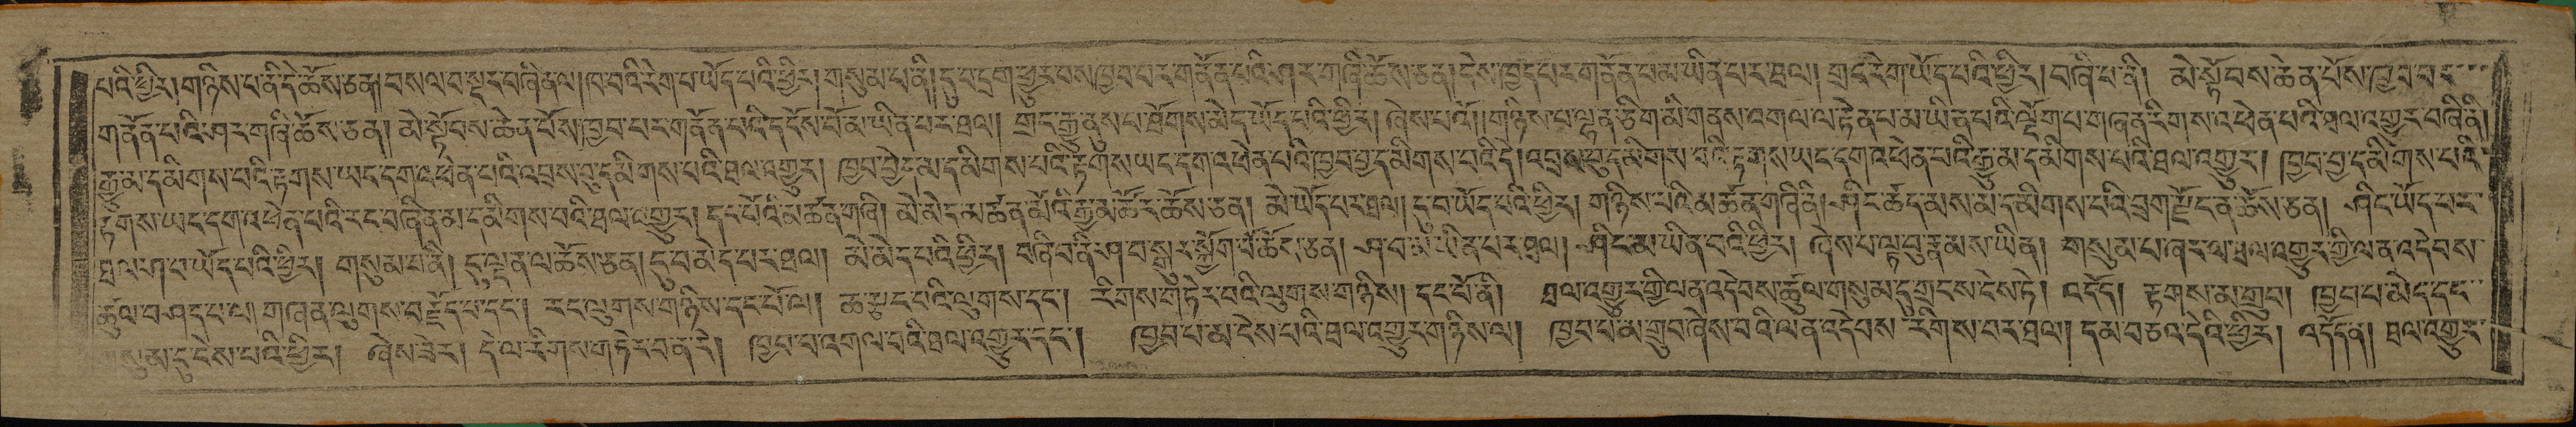པའི་ཕྱིར། གཉིས་པ་ནི་དེ་ཆོས་ཅན། བསལ་བ་སྔར་བཞིན་ལ། ཁ་བའི་རེག་པ་ཡོད་པའི་ཕྱིར། གསུམ་པ་ནི། དུ་བ་དྲག་ཕྱུར་བས་ཁྱབ་པར་གནོན་པའི་ཤར་གཞི་ཆོས་ཅན། དེས་ཁྱད་པར་གནོན་པ་མ་ཡིན་པར་ཐལ། གྲང་རེག་ཡོད་པའི་ཕྱིར། བཞི་པ་ནི། མེ་སྟོབས་ཆེན་པོས་ཁྱབ་པར་
གནོན་པའི་ཤར་གཞི་ཆོས་ཅན། མེ་སྟོབས་ཆེན་པོས་ཁྱབ་པར་གནོན་པའི་དངོས་པོ་མ་ཡིན་པར་ཐལ། གྲང་རྒྱུ་ནུས་པ་ཐོགས་མེད་ཡོད་པའི་ཕྱིར། ཞེས་པའོ། །གཉིས་པ་ལྷན་ཅིག་མི་གནས་འགལ་ལ་རྟེན་པ་མ་ཡིན་པའི་ལྡོག་པ་གཞན་རིགས་འཕེན་པའི་ཐལ་འགྱུར་བཞི་ནི།
རྒྱུ་མ་དམིགས་པའི་རྟགས་ཡང་དག་འཕེན་པའི་འབྲས་བུ་དམིགས་པའི་ཐལ་འགྱུར། ཁྱབ་བྱེད་མ་དམིགས་པའི་རྟགས་ཡང་དག་འཕེན་པའི་ཁྱབ་བྱ་དམིགས་པའི་དེ། འབྲས་བུ་དམིགས་པའི་རྟགས་ཡང་དག་འཕེན་པའི་རྒྱུ་མ་དམིགས་པའི་ཐལ་འགྱུར། ཁྱབ་བྱ་དམིགས་པའི་
རྟགས་ཡང་དག་འཕེན་པའི་རང་བཞིན་མ་དམིགས་པའི་ཐལ་འགྱུར། དང་པོའི་མཚན་གཞི། མེ་མེད་མཚན་མོའི་རྒྱ་མཚོར་ཆོས་ཅན། མེ་ཡོད་པར་ཐལ། དུ་བ་ཡོད་པའི་ཕྱིར། གཉིས་པའི་མཚན་གཞི་ནི། ཤིང་ཚད་མས་མ་དམིགས་པའི་བྲག་རྫོང་ན་ཆོས་ཅན། ཤིང་ཡོད་པར་
ཐལ་ཤ་བ་ཡོད་པའི་ཕྱིར། གསུམ་པ་ནི། དུ་ལྡན་ལ་ཆོས་ཅན། དུ་བ་མེད་པར་ཐལ། མེ་མེད་པའི་ཕྱིར། བཞི་པ་ནི་ཤ་བ་སྒུར་སྐྱོག་པོ་ཆོས་ཅན། ཤ་བ་མ་ཡིན་པར་ཐལ། ཤིང་མ་ཡིན་པའི་ཕྱིར། ཞེས་པ་ལྟ་བུ་རྣམས་ཡིན། གསུམ་པ་ཞར་ལ་ཐལ་འགྱུར་གྱི་ལན་འདེབས་
ཚུལ་བཤད་པ་ལ། གཞན་ལུགས་བརྗོད་པ་དང་། རང་ལུགས་གཉིས་དང་པོ་ལ། ཆ་རྩང་པའི་ལུགས་དང་། རིགས་གཏེར་བའི་ལུགས་གཉིས། དང་པོ་ནི། ཐལ་འགྱུར་གྱི་ལན་འདེབས་ཚུལ་གསུམ་དུ་གྲངས་ངེས་ཏེ། འདོད། རྟགས་མ་གྲུབ། ཁྱབ་པ་མེད་དང་
གསུམ་དུ་ངེས་པའི་ཕྱིར། ཞེས་ཟེར། དེ་ལ་རིགས་གཏེར་བ་ན་རེ། ཁྱབ་པ་འགལ་བའི་ཐལ་འགྱུར་དང་། ཁྱབ་པ་མ་ངེས་པའི་ཐལ་འགྱུར་གཉིས་ལ། ཁྱབ་པ་མ་གྲུབ་ཞེས་པའི་ལན་འདེབས་རིགས་པར་ཐལ། དམ་བཅའ་དེའི་ཕྱིར། འདོད་ན། ཐལ་འགྱུར་